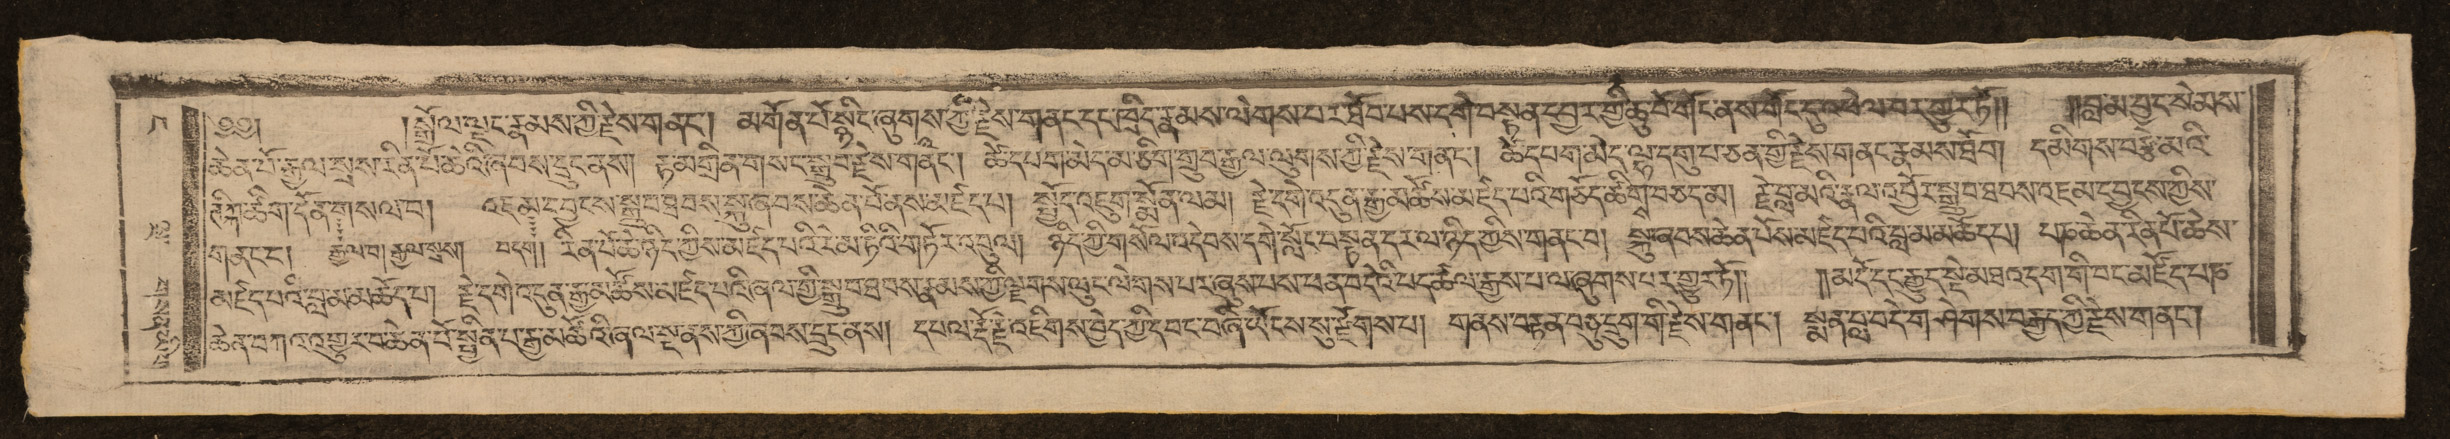༄༅། །སྒྲོལ་ལྗང་རྣམས་ཀྱི་རྗེས་གནང་། མགོན་པོ་སྙིང་ཞུགས་ཀྱི་རྗེས་གནང་དང་ཁྲིད་རྣམས་ལེགས་པར་ཐེབ་པས་དགེ་བསྟན་དབྱར་གྱི་ཆུ་བོ་གོང་ནས་གོང་དུ་འཕེལ་བར་གྱུར་ཏོ།། །།བླ་མ་བྱང་སེམས་
ཆེན་པོ་རྒྱལ་སྲས་རིན་པོ་ཆེའི་ཞབས་དྲུང་ནས། རྟ་མགྲིན་གསང་སྒྲུབ་རྗེས་གནང་། ཚེ་དཔག་མེད་མ་ཅིག་གྲུབ་རྒྱལ་ལུགས་ཀྱི་རྗེས་གནང་། ཚེ་དཔག་མེད་ལྷ་དགུ་པ་ཅན་གྱི་རྗེས་གནང་རྣམས་ཐོབ། དམིགས་བརྩེ་མའི་
ཊིཀྐ་ཚིག་དོན་གསལ་བ། འཇམ་དབྱངས་སྒྲུབ་ཐབས་སྐུ་ཞབས་ཆེན་པོ་ནས་མཛད་པ། སྤྱོད་འཇུག་སྨོན་ལམ། རྗེ་དགེ་འདུན་རྒྱ་མཚོས་མཛད་པའི་གཅོད་ཚིགས་བཅད་མ། རྗེ་བླ་མའི་རྣལ་འབྱོར་སྒྲུབ་ཐབས་འཇམ་དབྱངས་ཀྱིས་
གནང་པ། རྒྱལ་བ། རྒྱལ་སྲས། བདག། རིན་པོ་ཆེ་ཉིད་ཀྱིས་མཛད་པའི་རེ་མ་ཏིའི་གཏོར་འབུལ། ཉིད་ཀྱི་གསོལ་འདེབས་དགེ་སློང་བསྟན་དར་ལ་ཉིད་ཀྱིས་གནང་བ། སྐུ་ཞབས་ཆེན་པོས་མཛད་པའི་བླ་མ་མཆོད་པ། པཎ་ཆེན་རིན་པོ་ཆེས་
མཛད་པའི་བླ་མ་མཆོད་པ། རྗེ་དགེ་འདུན་རྒྱ་མཚོས་མཛད་པའི་ཞལ་གྱི་སྒྲུབ་ཐབས་རྣམས་ཀྱི་ལྗགས་ལུང་ལེགས་པར་ཞུས་པས་ཕན་བདེའི་པད་ཚལ་རྒྱས་པ་ལ་ཞུགས་པར་གྱུར་ཏོ།། །།མདོ་དང་རྒྱུད་སྡེ་མཐའ་དག་གི་བང་མཛོད་པཎ་
ཆེན་བཀའ་འགྱུར་བ་ཆེན་པོ་སྤྱིན་པ་རྒྱ་མཚོའི་ཞལ་སྔ་ནས་ཀྱི་ཞབས་དྲུང་ནས། དཔལ་རྡོ་རྗེ་འཇིགས་བྱེད་ཀྱི་དབང་བཞི་ཡོངས་སུ་རྫོགས་པ། གནས་བརྟན་བཅུ་དྲུག་གི་རྗེས་གནང་། སྨན་བླ་བདེ་གཤེགས་བརྒྱར་ཀྱི་རྗེས་གནང་།